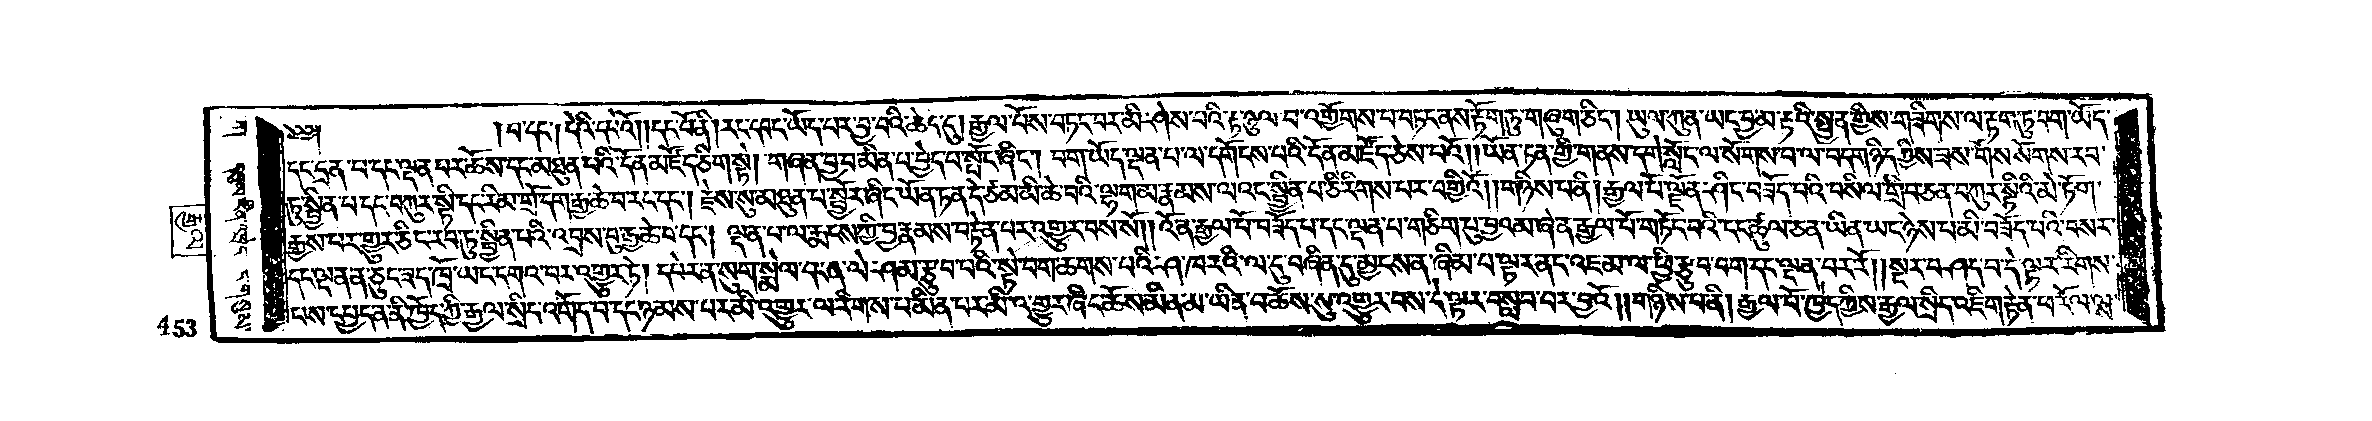༄༅། །བ་དང་། དེའི་དཔེའོ། །དང་པོ་ནི། རང་དབང་ཡོད་པར་བྱ་བའི་ཆེད་དུ། རྒྱལ་པོས་བཏང་བར་མི་ཤེས་པའི་རྟ་ཉུལ་བ་འགྱོགས་པ་བཏང་ནས་རྟོག་ཏུ་གཞུག་ཅིང་། ཡུལ་ཀུན་ཡང་བྱ་མ་རྟའི་སྤྱན་གྱིས་གཟིགས་ལ་རྟག་ཏུ་བག་ཡོད་
དང་དྲན་པ་དང་ལྡན་པར་ཆོས་དང་མཐུན་པའི་དོན་མཛོད་ཅིག་སྟེ། གཞན་བྱ་བ་མིན་པ་བྱེད་པ་སྤོང་ཞིང་། བག་ཡོད་ལྡན་པ་ལ་དགོངས་པའི་དོན་མཛོད་ཅེས་པའོ། །ཡོན་ཏན་གྱི་གནས་དགེ་སློང་ལ་སོགས་པ་ལ་བདག་ཉིད་ཀྱིས་ཟས་གོས་སོགས་རབ་
ཏུ་སྦྱིན་པ་དང་བཀུར་སྟི་དང་རིམ་གྲོ་དག་རྒྱ་ཆེ་བ་རང་དང་། རྗེས་སུ་མཐུན་པ་སྦྱོར་ཞིང་ཡོན་ཏན་དེ་ཙམ་མི་ཆེ་བའི་ལྷག་མ་རྣམས་ལའང་སྦྱིན་པ་ཅི་རིགས་པར་བགྱིའོ། །གཉིས་པ་ནི། རྒྱལ་པོ་ལྗོན་ཤིང་བཟོད་པའི་བསིལ་གྲིབ་ཅན་བཀུར་སྟིའི་མེ་ཏོག་
རྒྱས་པར་གྱུར་ཅིང་རབ་ཏུ་སྦྱིན་པའི་འབྲས་བུ་རྒྱ་ཆེ་བ་དང་། ལྡན་པ་ལ་རྨངས་ཀྱི་བྱ་རྣམས་བརྟེན་པར་འགྱུར་བས་སོ། །འོ་ན་རྒྱལ་པོ་བཟོད་པ་དང་ལྡན་པ་གཅིག་པུ་བྱའམ་ཞེ་ན་རྒྱལ་པོ་གཏོང་བའི་ངང་ཚུལ་ཅན་ཡིན་ཡང་ཉེས་པ་མི་བཟོད་པའི་བསར་
དང་ལྡན་ན་ཅུང་ཟད་ཁྲོ་ཡང་དགའ་བར་འགྱུར་ཏེ། དཔེར་ན་སུག་སྨེལ་དངན?་ལེ་ཤམ་རྩུབ་པའི་སྟེ་བག་ཆགས་པའི་ཤ་ཁརཱི?་ལ་དུ་བཞིན་དུ་མྱངས་ན་ཞིམ་པ་ལྟར་ནད་འཇམ་ལ་ཕྱི་རྩུབ་བག་དང་ལྡན་པར་རོ། །སྔར་བཤད་པ་དེ་ལྟར་རིགས་
པས་དཔྱད་ན་ནི་ཁྱོད་ཀྱི་རྒྱལ་སྲིད་འགོད་པ་དང་ཉམས་པར་མི་འགྱུར་ལ་རིགས་པ་མིན་པར་མི་འགྱུར་ཞིང་ཆོས་མིན་མ་ཡིན་པ་ཆོས་སུ་འགྱུར་བས་དེ་ལྟར་བསླབ་པར་བྱའོ། །གཉིས་པ་ནི། རྒྱལ་པོ་ཁྱེད་ཀྱིས་རྒྱལ་སྲིད་འཇིག་རྟེན་ཕ་རོལ་ལས་